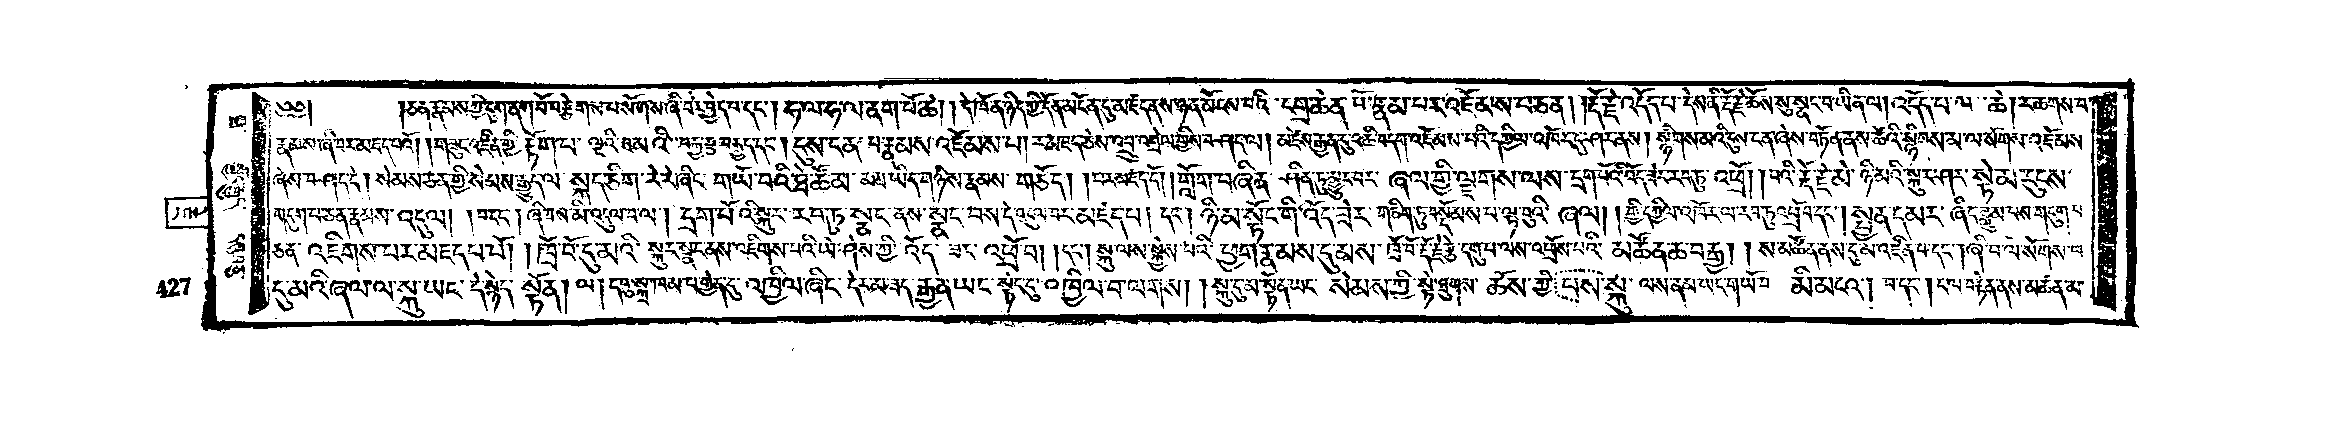༄༅། །ཅན་རྣམས་ཀྱི་དུག་ནག་པོ་བརྩེགས་པ་སོགས་ཞི་བར་བྱེད་པ་དང་། ཧ་ལ་ཧ་ལ་ནག་པོ་ཆེ། །དེ་ཁོ་ན་ཉིད་ཀྱི་དོན་མངོན་དུ་མཛད་ནས་ཉོན་མོངས་པའི་དགྲ་ཆེན་པོ་རྣམ་པར་འཇོམས་པ་ཅན། །རྡོ་རྗེ་འདོད་པ་དེས་ནི་རྡོ་རྗེ་ཆོས་སུ་སྣང་བ་ཡིན་ལ།  འདོད་པ་ལ་ཆེ། ར་ཆགས་པ་
རྣམས་ཞི་བར་མཛད་པའོ། །གཟུང་འཛིན་གྱི་རྟོག་པ་ལྔའི་ཐ་མའི་བརྒྱ་རྩ་བརྒྱད་དང་།  དུས་དམ་པ་རྣམས་འཇོམས་པ། ར་མཛད་ཅེས་འབྲུ་འགྲེལ་གྱིས་བཤད་ལ། མཛེས་རྒྱན་དུ་འཆི་བདག་འཇོམས་པའི་དཀྱིལ་འཁོར་དུ་ཤར་ནས། སྙིགས་མའི་དུས་ངན་ཞེས་བཏོན་ནས་ཚེའི་སྙིགས་མ་ལ་སོགས་འཇོམས་
ཞེས་བཤད་དེ། སེམས་ཅན་གྱི་སེམས་རྒྱུད་ལ་སྐད་ཅིག་རེ་རེ་ཞིང་གཡོ་བའི་ཐེ་ཚོམ་མམ་ཡིད་གཉིས་རྣམས་གཅོད། །པར་མཛད་དོ།  །གློག་བཞིན་ཤིན་ཏུ་མྱུར་བར་ཞལ་གྱི་ལྗགས་ལས་དྲག་པོའི་འོད་ཟེར་རབ་ཏུ་འཕྲོ། །པའི་རྡོ་རྗེ་མེ་ཉི་མའི་སྐུར་ཤར་སྟེ་མ་རུངས་
གདུག་པ་ཅན་རྣམས་འདུལ། །བ་དང་། ཞིང་མི་འདུལ་པ་ལ།  དྲག་པོའི་སྐུར་རབ་ཏུ་སྣང་ནས་སྣང་བས་དེ་འདུལ་བར་མཛད་པ། དང་།  ཉི་མ་སྟོང་གི་འོད་ཟེར་གཅིག་ཏུ་བསྡོམས་པ་ལྟ་བུའི་ཞལ། །གྱི་དཀྱིལ་འཁོར་ལ་རབ་ཏུ་འཕྲོ་བ་དང་།  སྤྱན་དམར་ཞིང་ཟླུམ་པས་གདུག་པ་
ཅན་འཇིགས་པར་མཛད་པ་པོ། །ཁྲོ་བོ་དུ་མའི་སྐུར་སྣང་ནས་འཇིགས་པའི་ཡེ་ཤེས་ཀྱི་འོད་ཟར་འཕྲོ་བ། །དང་། སྐུ་ལས་སྐྱེས་པའི་ཕྱག་རྣམས་དུ་མས་ཁྲོ་བོ་རྡོ་རྗེ་རྩེ་དགུ་པ་ལས་འཕྲོས་པའི་མཚོན་ཆ་བརྒྱ། །ས་མཚོན་ནས་དུ་མ་འཛིན་པ་དང་། ཞི་བ་ལ་སོགས་པ
དུ་མའི་ཞལ་ལ་སྐུ་ཡང་དེ་སྙེད་སྟོན། ལ། དབུ་སྐྲ་ཁམ་པ་གྱེན་དུ་འཁྱིལ་ཞིང་དེར་མ་ཟད་རྒྱན་ཡང་སྟེང་དུ་འཁྱིལ་བ་ལགས། །སྐུ་དུ་མ་སྟོན་ཡང་སེམས་ཀྱི་ལྟེ་ཐུགས་ཆོས་ཀྱི་པས་སྐུ་ལས་ནམ་ཡང་གཡོ་བ་མི་མངའ། བ་དང་། དེ་ལ་བརྟེན་ནས་མཚན་མ་